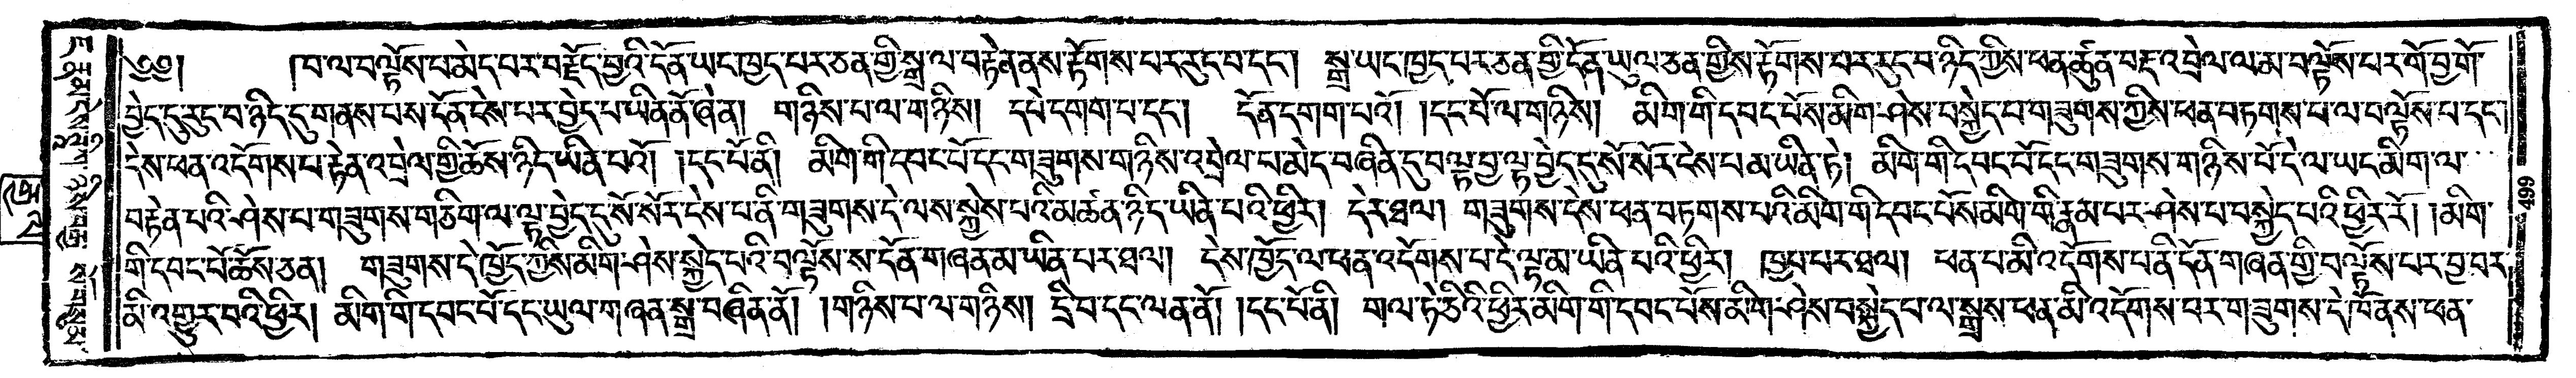༄༅། །པ་ལ་བལྟོས་པ་མེད་པར་བརྗོད་བྱའི་དོན་ཡང་ཁྱད་པར་ཅན་གྱི་སྒྲ་ལ་བརྟེན་ནས་རྟོགས་པར་རུང་བ་དང་། སྒྲ་ཡང་ཁྱད་པར་ཅན་གྱི་དོན་ཡུལ་ཅན་གྱིས་རྟོགས་པར་རུང་བ་ཉིད་ཀྱིས་ཕན་ཚུན་བརྡ་འབྲེལ་ལ་མ་བལྟོས་པར་གོ་བྱ་གོ་
བྱེད་དུ་རུང་བ་ཉིད་དུ་གནས་པས་དོན་ངེས་པར་བྱེད་པ་ཡིན་ནོ་ཞེ་ན། གཉིས་པ་ལ་གཉིས། དཔེ་དགག་པ་དང་། དོན་དགག་པའོ། །དང་པོ་ལ་གཉིས། མིག་གི་དབང་པོས་མིག་ཤེས་བསྐྱེད་པ་གཟུགས་ཀྱིས་ཕན་བཏགས་པ་ལ་བལྟོས་པ་དང་།
དེས་ཕན་འདོགས་པ་རྟེན་འབྲེལ་གྱི་ཆོས་ཉིད་ཡིན་པའོ། །དང་པོ་ནི། མིག་གི་དབང་པོ་དང་གཟུགས་གཉིས་འབྲེལ་པ་མེད་བཞིན་དུ་བལྟ་བྱ་ལྟ་བྱེད་དུ་སོ་སོར་ངེས་པ་མ་ཡིན་ཏེ། མིག་གི་དབང་པོ་དང་གཟུགས་གཉིས་པོ་དེ་ལ་ཡང་མིག་ལ་
བརྟེན་པའི་ཤེས་པ་གཟུགས་གཅིག་ལ་ལྟ་བྱེད་དུ་སོ་སོར་ངེས་པ་ནི་གཟུགས་དེ་ལས་སྐྱེས་པའི་མཚན་ཉིད་ཡིན་པའི་ཕྱིར། དེར་ཐལ། གཟུགས་དེས་ཕན་བཏགས་པའི་མིག་གི་དབང་པོས་མིག་གི་རྣམ་པར་ཤེས་པ་བསྐྱེད་པའི་ཕྱིར་རོ། །མིག་
གི་དབང་པོ་ཆོས་ཅན། གཟུགས་དེ་ཁྱོད་ཀྱིས་མིག་ཤེས་སྐྱེད་པའི་བལྟོས་ས་དོན་གཞན་མ་ཡིན་པར་ཐལ། དེས་ཁྱོད་ལ་ཕན་འདོགས་པ་དེ་ལྟ་མ་ཡིན་པའི་ཕྱིར། ཁྱབ་པར་ཐལ། ཕན་པ་མི་འདོགས་པ་ནི་དོན་གཞན་གྱི་བལྟོས་པར་བྱ་བར་
མི་འགྱུར་བའི་ཕྱིར། མིག་གི་དབང་པོ་དང་ཡུལ་གཞན་སྒྲ་བཞིན་ནོ། །གཉིས་པ་ལ་གཉིས། དྲི་བ་དང་ལན་ནོ། །དང་པོ་ནི། གལ་ཏེ་ཅིའི་ཕྱིར་མིག་གི་དབང་པོས་མིག་ཤེས་བསྐྱེད་པ་ལ་སྒྲས་ཕན་མི་འདོགས་པར་གཟུགས་དེ་ཁོ་ནས་ཕན་